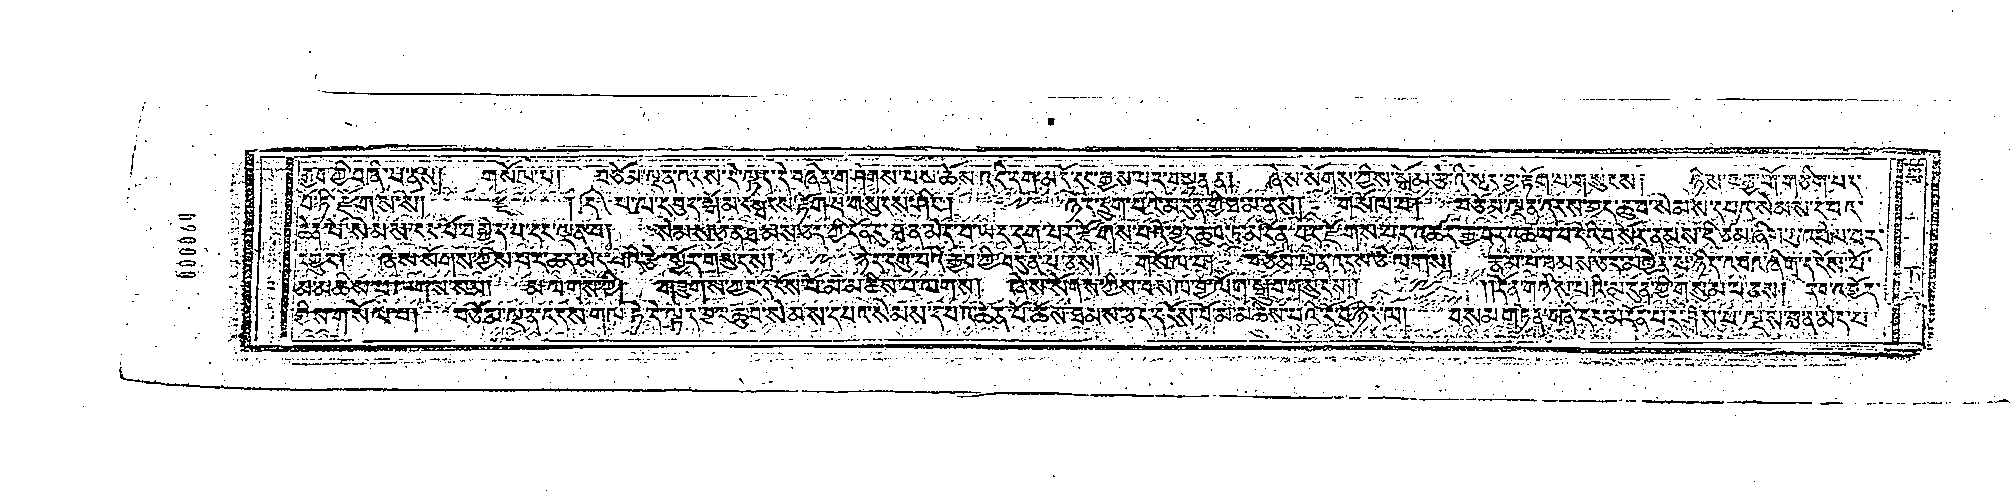རྒྱབ་ཀྱི་བཞི་པ་ནས། གསོལ་པ། བཅོམ་ལྡན་འདས་དེ་ལྟར་དེ་བཞིན་གཤེགས་པས་ཆོས་འདི་དག་མདོ་དང་རྒྱས་པར་བསྟན་ན། ཞེས་སོགས་ཀྱིས་སྒོམ་རྩེའི་སྤང་བྱ་རྟོག་པ་གསུངས། ཉིས་བརྒྱ་གོ་གཅིག་པར་
པོ་ཏི་རྫོགས་སོ། ༧་།ད྄་པ་ལ་དབུར་སྒོམ་སྤངས་རྟོག་པ་གསུངས་ཤིང་། ༧་ཉེར་དྲུག་པའི་མདུན་གྱི་ཐ་མ་ནས། གསོལ་པ། བཅོམ་ལྡན་འདས་བྱང་ཆུབ་སེམས་དཔའ་སེམས་དཔའ་
ཆེན་པོ་སེམས་དང་པོ་བསྐྱེད་པ་དང་ལྡན་པ། སེམས་ཅན་ཐམས་ཅད་ཀྱི་དོན་དུ་བླ་ན་མེད་པ་ཡང་དག་པར་རྫོགས་པའི་བྱང་ཆུབ་ཏུ་མངོན་པར་རྫོགས་པར་འཚང་རྒྱ་བར་འཚལ་པ་དེའི་བསོད་ནམས་ཇི་ཙམ་ཞིག་ཏུ་འཕེལ་བར་
འགྱུར། ཞེས་སོགས་ཀྱིས་པར་ཆད་མེད་པའི་རྩེ་སྦྱོར་གསུངས། ༧་ཉེར་དགུ་པའི་རྒྱབ་ཀྱི་བདུན་པ་ནས། གསོལ་པ། བཅོམ་ལྡན་འདས་ཅི་ལགས། རྣམ་པ་ཐམས་ཅད་མཁྱེན་པ་ཉིད་འབའ་ཞིག་དངོས་པོ་
མ་མཆིས་པ་ལགས་སམ། མ་ལགས་ཀྱི། གཟུགས་ཀྱང་དངོས་པོ་མ་མཆིས་པ་ལགས། ཞེས་སོགས་ཀྱིས་བསལ་བྱ་ལོག་སྒྲུབ་གསུངས། ༧་།།དོན་གཉིས་པའི་མདུན་གྱི་གསུམ་པ་ནས། རབ་འབྱོར་
གྱིས་གསོལ་བ། བཅོམ་ལྡན་འདས་གལ་ཏེ་དེ་ལྟད་བྱང་ཆུབ་སེམས་དཔའ་སེམས་དཔའ་ཆེན་པོ་ཆོས་ཐམས་ཅད་དངོས་པོ་མ་མཆིས་པའི་ངོ་བོ་ཉིད་ལ། བསམ་གཏན་བཞི་དང་མངོན་པར་ཤེས་པ་ལྔས་བླ་ན་མེད་པ་